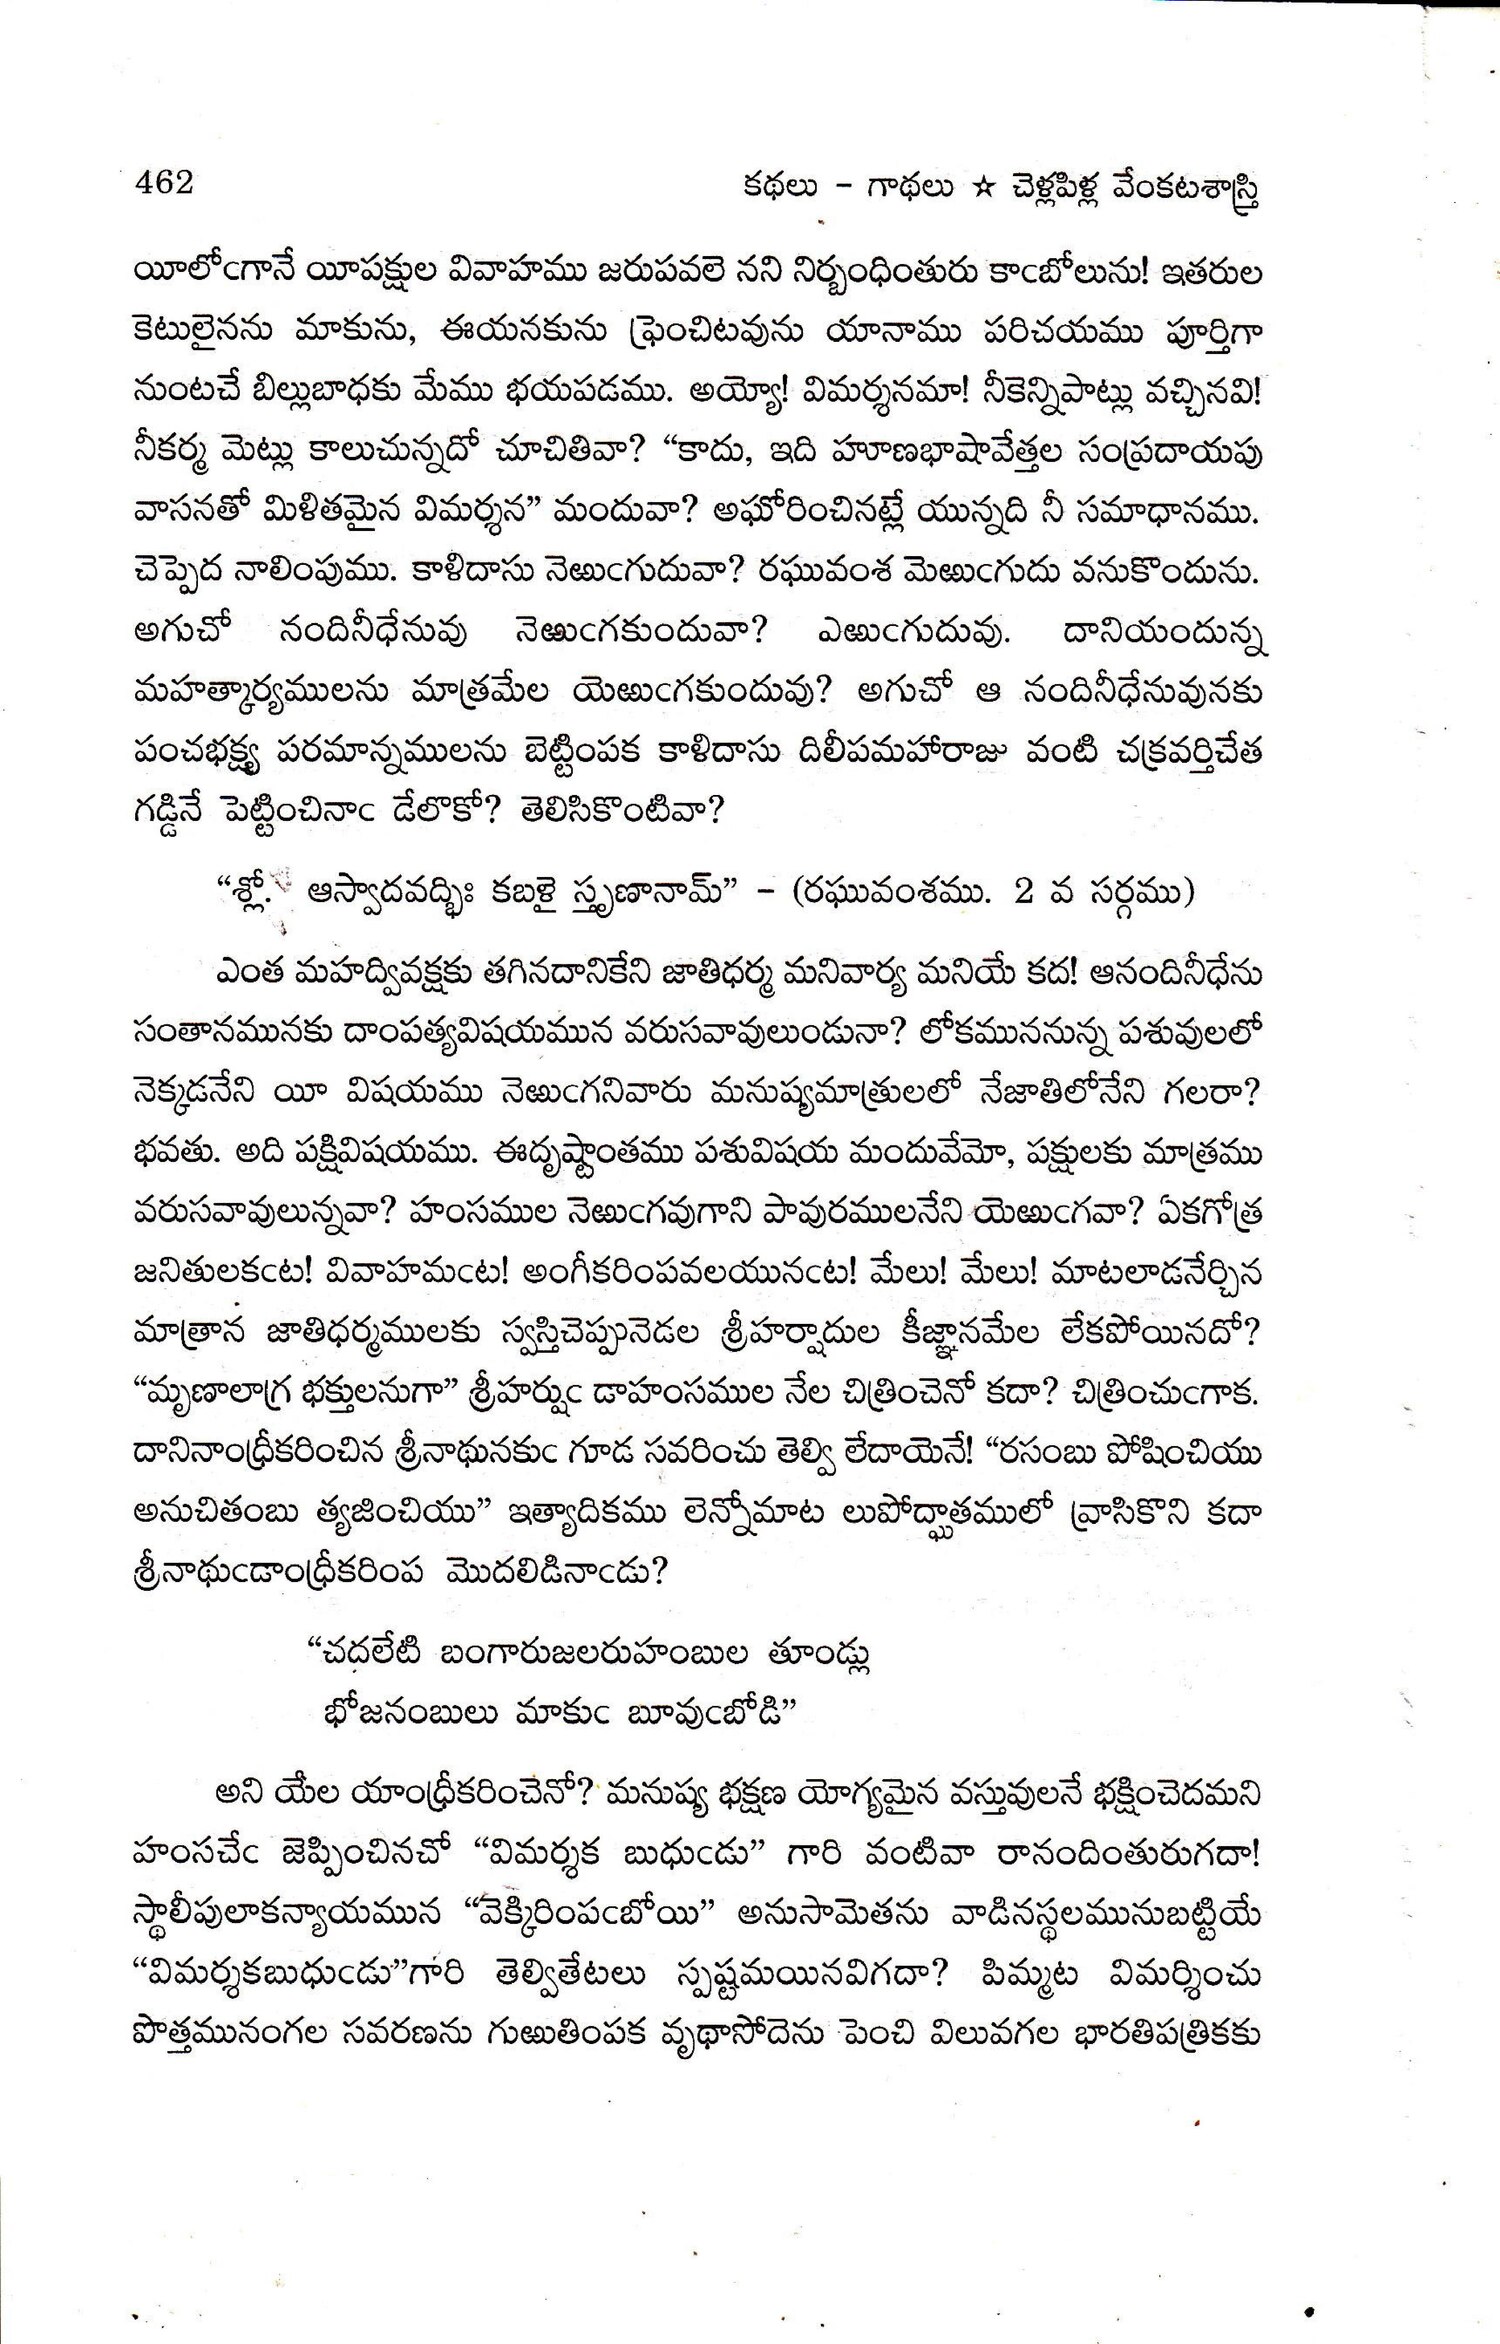యీలోcగానే యీపక్షుల వివాహము జరుపవలె నని నిర్బంధింతురు కాఁబోలును! ఇతరుల కెటులైనను మాకును, ఈయనకును ఫ్రెంచిటవును యానాము పరిచయము పూర్తిగా నుంటచే బిల్లుబాధకు మేము భయపడము. అయ్యో! విమర్శనమా! నీకెన్నిపాట్లు వచ్చినవి! నీకర్మ మెట్లు కాలుచున్నదో చూచితివా? "కాదు, ఇది హూణభాషావేత్తల సంప్రదాయపు వాసనతో మిళితమైన విమర్శన" మందువా? అఘోరించినట్లే యున్నది నీ సమాధానము. చెప్పెద నాలింపుము. కాళిదాసు నెఱుఁగుదువా? రఘువంశ మెఱుఁగుదు వనుకొందును. అగుచో నందినీధేనువు నెఱుఁగకుందువా? ఎఱుఁగుదువు. దానియందున్న మహత్కార్యములను మాత్రమేల యెఱుఁగకుందువు? అగుచో ఆ నందినీధేనువునకు పంచభక్ష్య పరమాన్నములను బెట్టింపక కాళిదాసు దిలీపమహారాజు వంటి చక్రవర్తిచేత గడ్డినే పెట్టించినాఁ డేలొకో? తెలిసికొంటివా? -

“శ్లో. ఆస్వాదవద్బిః కబళై స్తృణానామ్" - (రఘువంశము. 2 వ సర్గము)
ఎంత మహద్వివక్షకు తగినదానికేని జాతిధర్మ మనివార్య మనియే కద! ఆనందినీధేను సంతానమునకు దాంపత్యవిషయమున వరుసవావులుండునా? లోకముననున్న పశువులలో నెక్కడనేని యీ విషయము నెఱుఁగనివారు మనుష్యమాత్రులలో నేజాతిలోనేని గలరా? భవతు. అది పక్షివిషయము. ఈదృష్టాంతము పశువిషయ మందువేమో, పక్షులకు మాత్రము వరుసవావులున్నవా? హంసముల నెఱుఁగవుగాని పావురములనేని యెఱుఁగవా? ఏకగోత్ర జనితులకఁట! వివాహమఁట! అంగీకరింపవలయునఁట! మేలు! మేలు! మాటలాడనేర్చిన మాత్రాన జాతిధర్మములకు స్వస్తిచెప్పునెడల శ్రీహర్షాదుల కీజ్ఞానమేల లేకపోయినదో? "మృణాలాగ్ర భక్తులనుగా" శ్రీహర్షుఁ డాహంసముల నేల చిత్రించెనో కదా? చిత్రించుఁగాక. దానినాంద్రీకరించిన శ్రీనాథునకుఁ గూడ సవరించు తెల్వి లేదాయెనే! "రసంబు పోషించియు అనుచితంబు త్యజించియు" ఇత్యాదికము లెన్నోమాట లుపోద్ఘాతములో వ్రాసికొని కదా శ్రీనాథుఁడాంద్రీకరింప మొదలిడినాఁడు?

“చదలేటి బంగారుజలరుహంబుల తూండ్లు
 భోజనంబులు మాకుఁ బూవుఁబోడి"
అని యేల యాంద్రీకరించెనో? మనుష్య భక్షణ యోగ్యమైన వస్తువులనే భక్షించెదమని హంసచేఁ జెప్పించినచో “విమర్శక బుధుఁడు” గారి వంటివా రానందింతురుగదా! స్థాలీపులాకన్యాయమున "వెక్కిరింపఁబోయి” అనుసామెతను వాడినస్థలమునుబట్టియే “విమర్శకబుధుఁడు”గారి తెల్వితేటలు స్పష్టమయినవిగదా? పిమ్మట విమర్శించు పొత్తమునంగల సవరణను గుఱుతింపక వృథాసోదెను పెంచి విలువగల భారతిపత్రికకు